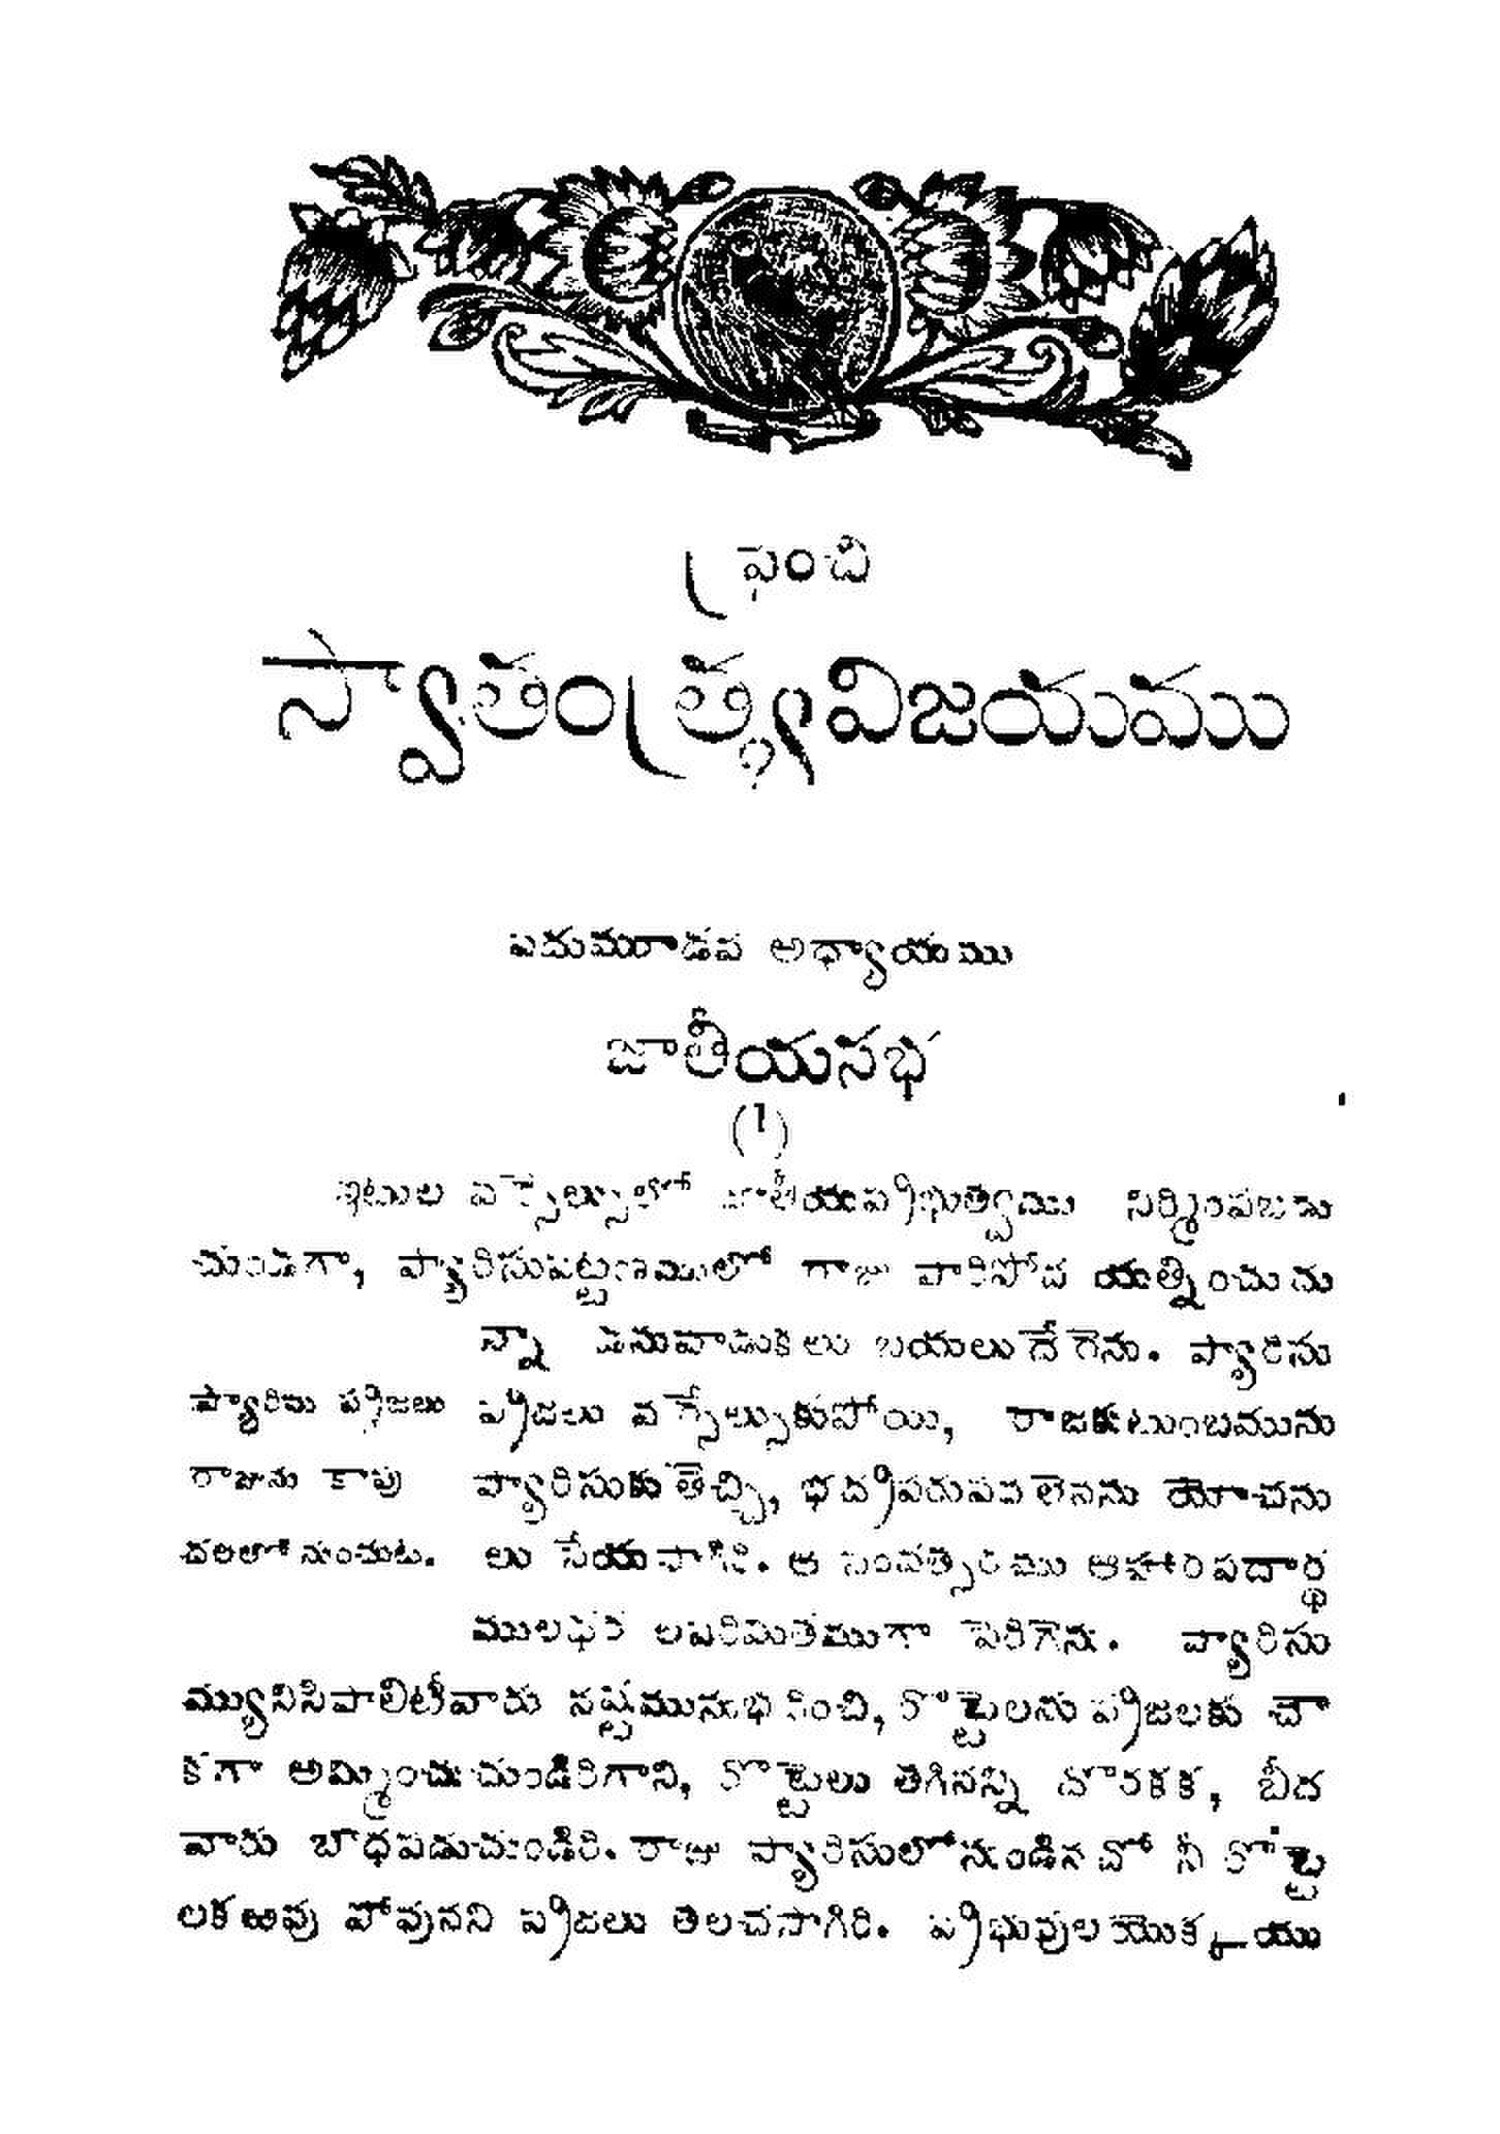ప్యారిసు ప్రజలు 
రాజును కాపు 
దలలో నుంచుట.

ఇటుల వర్శేల్సులో జాతీయ ప్రభుత్వము, నిర్మించబడు 
చుండగా, ప్యారిసు పట్టణములో రాజు పారిపోవ యత్నించు 
చున్నా డను వాడుకలు -బయలు దేరెను. ప్యారిసు
ప్రజలు వచ్సేల్సుకుపోయి, రాజకుటుంబమును
ప్యారిసుకు తెచ్చి, భద్రపరుపవలెనసు యోచను
లు సేయసాగిరి.. ఆ సంవత్సరము ఆహార పదార్థ
ములు ధరము విపరీతముగా పెరిగెను. ప్యారిసు
మ్యునిసిపాలిటీవారు సష్టముసుభరించి,రొట్టెలను ప్రజలకు చౌ
కగా అమ్మించు చుండిరి గాని, రొట్టెలు తగినన్ని దొరకక , బీద
వారు బాధపడుచుండిరి. రాజు ఫ్యారిసులో నుండినచో నీ రొట్టె
లకరువు పోవునని ప్రజలులు తలంచసాగిరి. ప్రభువుల యొక్క